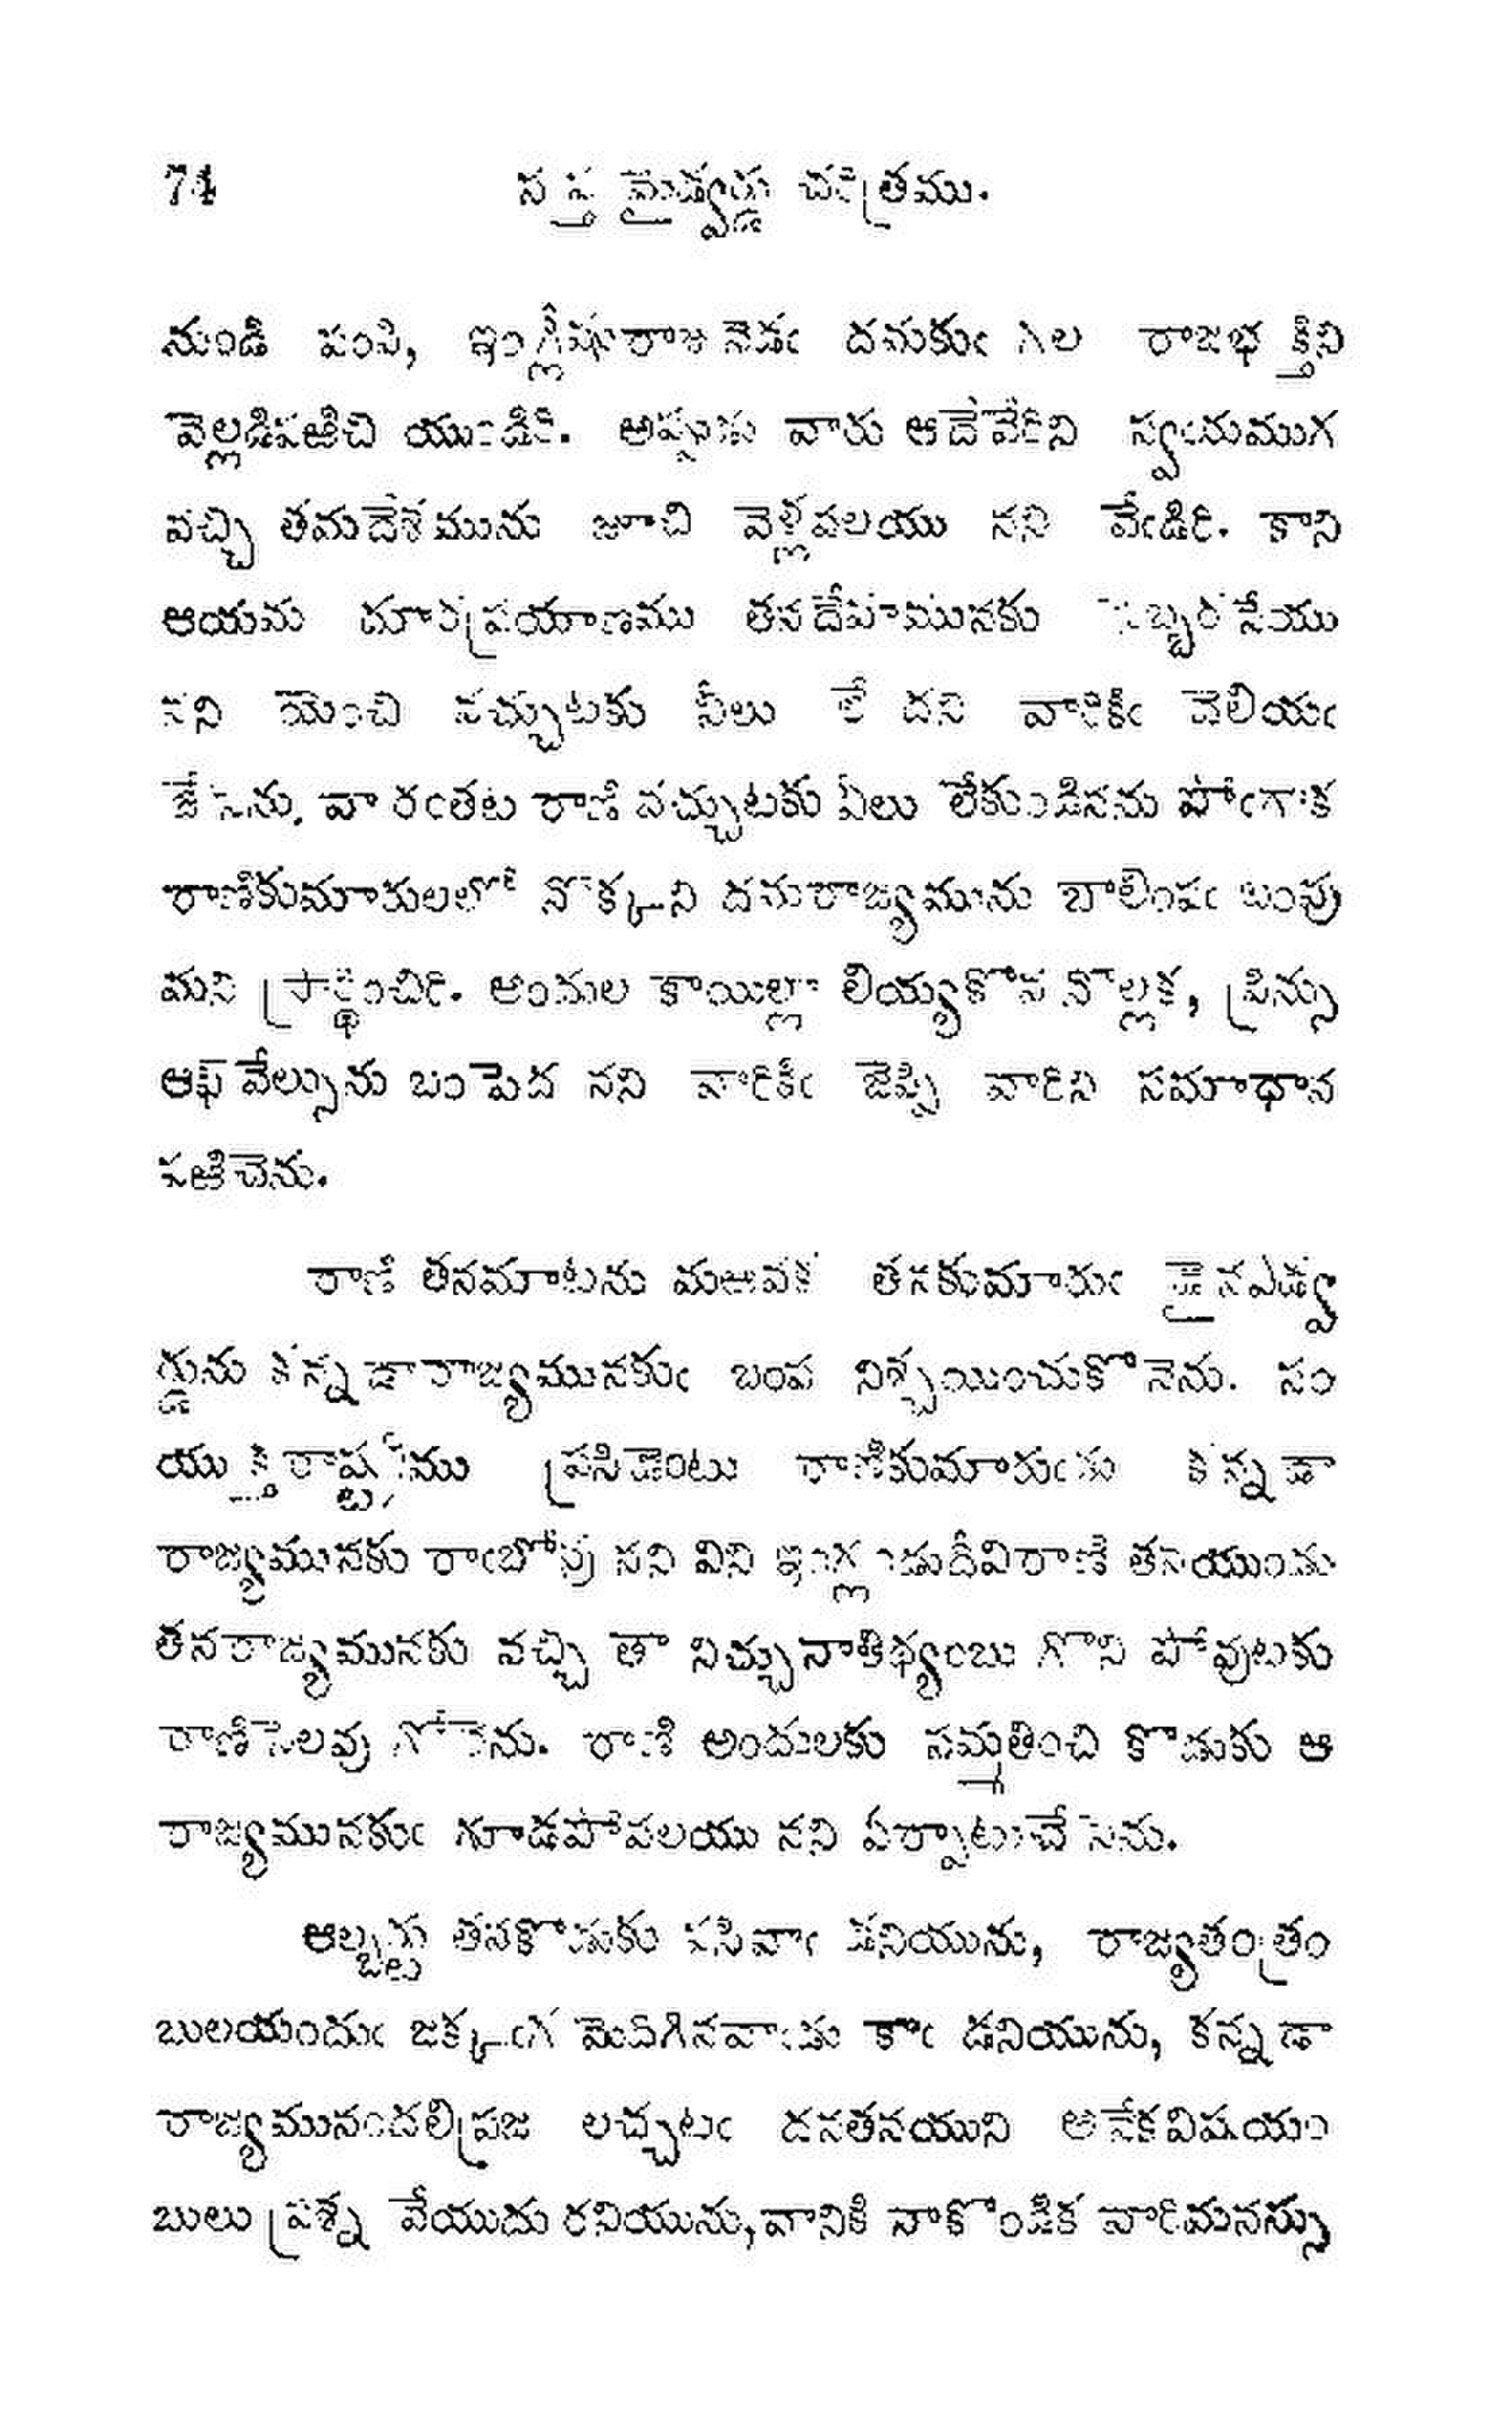నుండి పంపి, ఇంగ్లీషు రాజు నెడఁ దముకుఁ గల రాజ భ క్తిని వెల్లడి పఱచి యుండిరి. అప్పుడు వారు ఆ దేవేరిని స్వయముగ వచ్చి తమ దేశమును జూచి వెళ్లవలయు నని వేఁడిరి. కాని
ఆయన దూర ప్రయాణము తన దేహమునకు సెబ్బర సేయునని యెంచి వచ్చుటకు వీలు లేదని వారికి తెలియఁ జేసెను. వారంతట రాణి వచ్చుటకు వీలు లేకుండినను పోఁగాక
రాణి కుమారులలో నొక్కని దమరాజ్యమును బాలింప బంపు మని ఫ్రార్దించిరి. అందుల కాయిల్లా లియ్య కొన నొల్లక, ప్రిన్సు ఆఫ్ వేల్సును బం పెద నని వారికిఁ జెప్పి వారిని సమాధాన పజిచెను.

రాణీ తనమాటను మరువక తన కుమారుడైన ఎడ్వర్డును కన్నడా రాజ్యమునకుఁ బంప నిశ్చయించు కొనెను. సంయుక్త రాష్ట్ర ము ప్రసిడెంటు రాణీకుమారుఁడు కన్నడా
రాజ్యమునకు రాఁబోపు సని విని ఇంగ్ల డు దీవి రాణి తన యుందుతనరాజ్యమునకు వచ్చి తానిచ్చు నాతిథ్యంబు గొని పోవుటకురాణి సెలవు గోరెను. 'రాణి అందులకు సమ్మతించి కొడుకు ఆ
రాజ్యమునకుఁ గూడ పోపలయు నని ఏర్పాటు చేసెను.

ఆల్బర్టు తన కొడుకు పసి వాడనియును, రాజ్యతంత్రం బులయందుఁ జక్కగ మెదిగిన వాడు కాఁ డనియును, కన్నడా రాజ్యమునందలి. ప్రజ లచ్చటఁ దనతనయుని ఆనేకే విషయం
బులు ప్రశ్న వేయుదు రనియును, వానికి నాకోండిక వారి మనస్సు